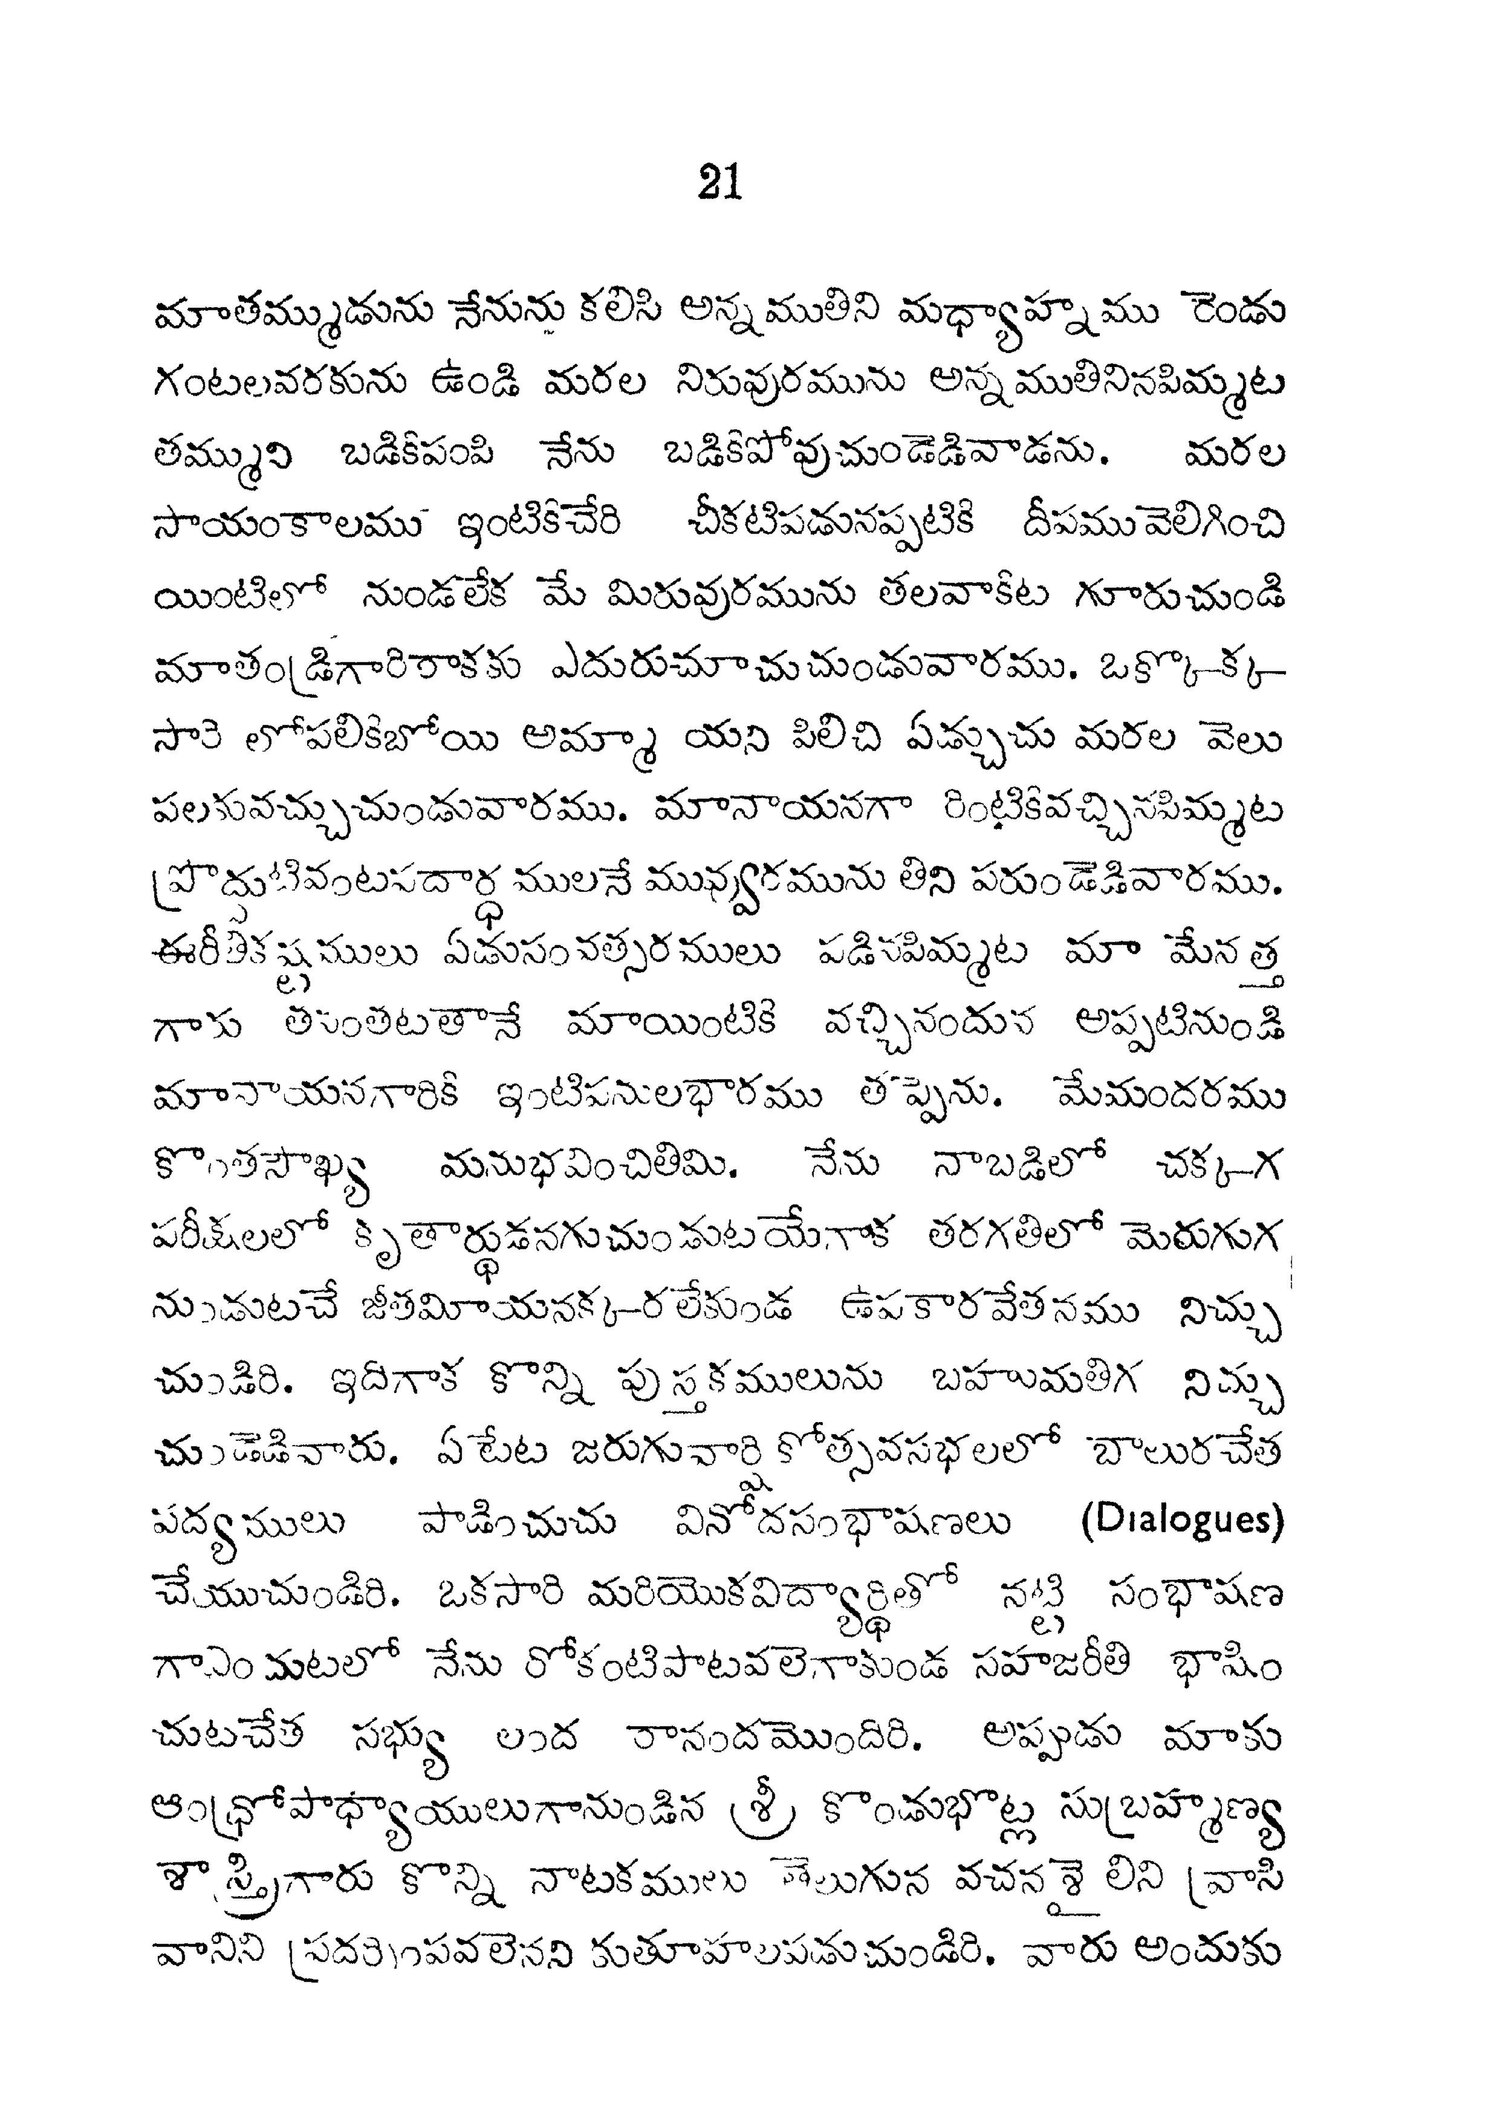మాతమ్ముడును నేనును కలిసి అన్నముతిని మధ్యాహ్నము రెండు గంటలవరకును ఉండి మరల నిరువురమును అన్నముతినిపిమ్మట తమ్ముని బడికిపంపి నేను బడికిపోవుచుండెడివాడను. మరల సాయంకాలము ఇంటికిచేరి చీకటిపడునప్పటికి దీపమువెలిగించి యింటిలో నుండలేక మే మిరువురమును తలవాకిట గూరుచుండి మాతండ్రిగారిరాకకు ఎదురుచూచుచుండువారము. ఒక్కొక్క సారి లోపలికిబోయి అమ్మా యని పిలిచి ఏడ్చుచు మరల వెలుపలకువచ్చుచుండువారము. మానాయనగా రింటికివచ్చినపిమ్మట ప్రొద్దుటివంటపదార్ధములనే మువ్వురమును తిని పరుండెడివారము. ఈరీతికష్టములు ఏడుసంవత్సరములు పడినపిమ్మట మా మేనత్తగారు తనంతటతానే మాయింటికి వచ్చినందున అప్పటినుండి మానాయనగారికి ఇంటిపనులభారము తప్పెను. మేమందరము కొంతసౌఖ్య మనుభవించితిమి. నేను నాబడిలో చక్కగ పరీక్షలలో కృతార్థుడనగుచుండుటయేగాక తరగతిలో మెరుగుగ నుండుటచే జీతమీయనక్కరలేకుండ ఉపకారవేతనము నిచ్చుచుండిరి. ఇదిగాక కొన్ని పుస్తకములును బహుమతిగ నిచ్చుచుండెడివారు. ఏటేట జరుగువార్షి కోత్సవసభలలో బాలురచేత పద్యములు పాడించుచు వినోదసంభాషణలు (Dialogues) చేయుచుండిరి. ఒకసారి మరియొకవిద్యార్థితో నట్టి సంభాషణ గావించుటలో నేను రోకంటిపాటవలెగాకుండ సహజరీతి భాషించుటచేత సభ్యు లంద రానందమొందిరి. అప్పుడు మాకు ఆంధ్రోపాధ్యాయులుగానుండిన శ్రీ కొండుభట్ల సుబ్రహ్మణ్యశాస్త్రిగారు కొన్ని నాటకములు తెలుగున వచనశైలిని వ్రాసి వానిని ప్రదర్శింపవలెనని కుతూహలపడుచుండిరి. వారు అందుకు